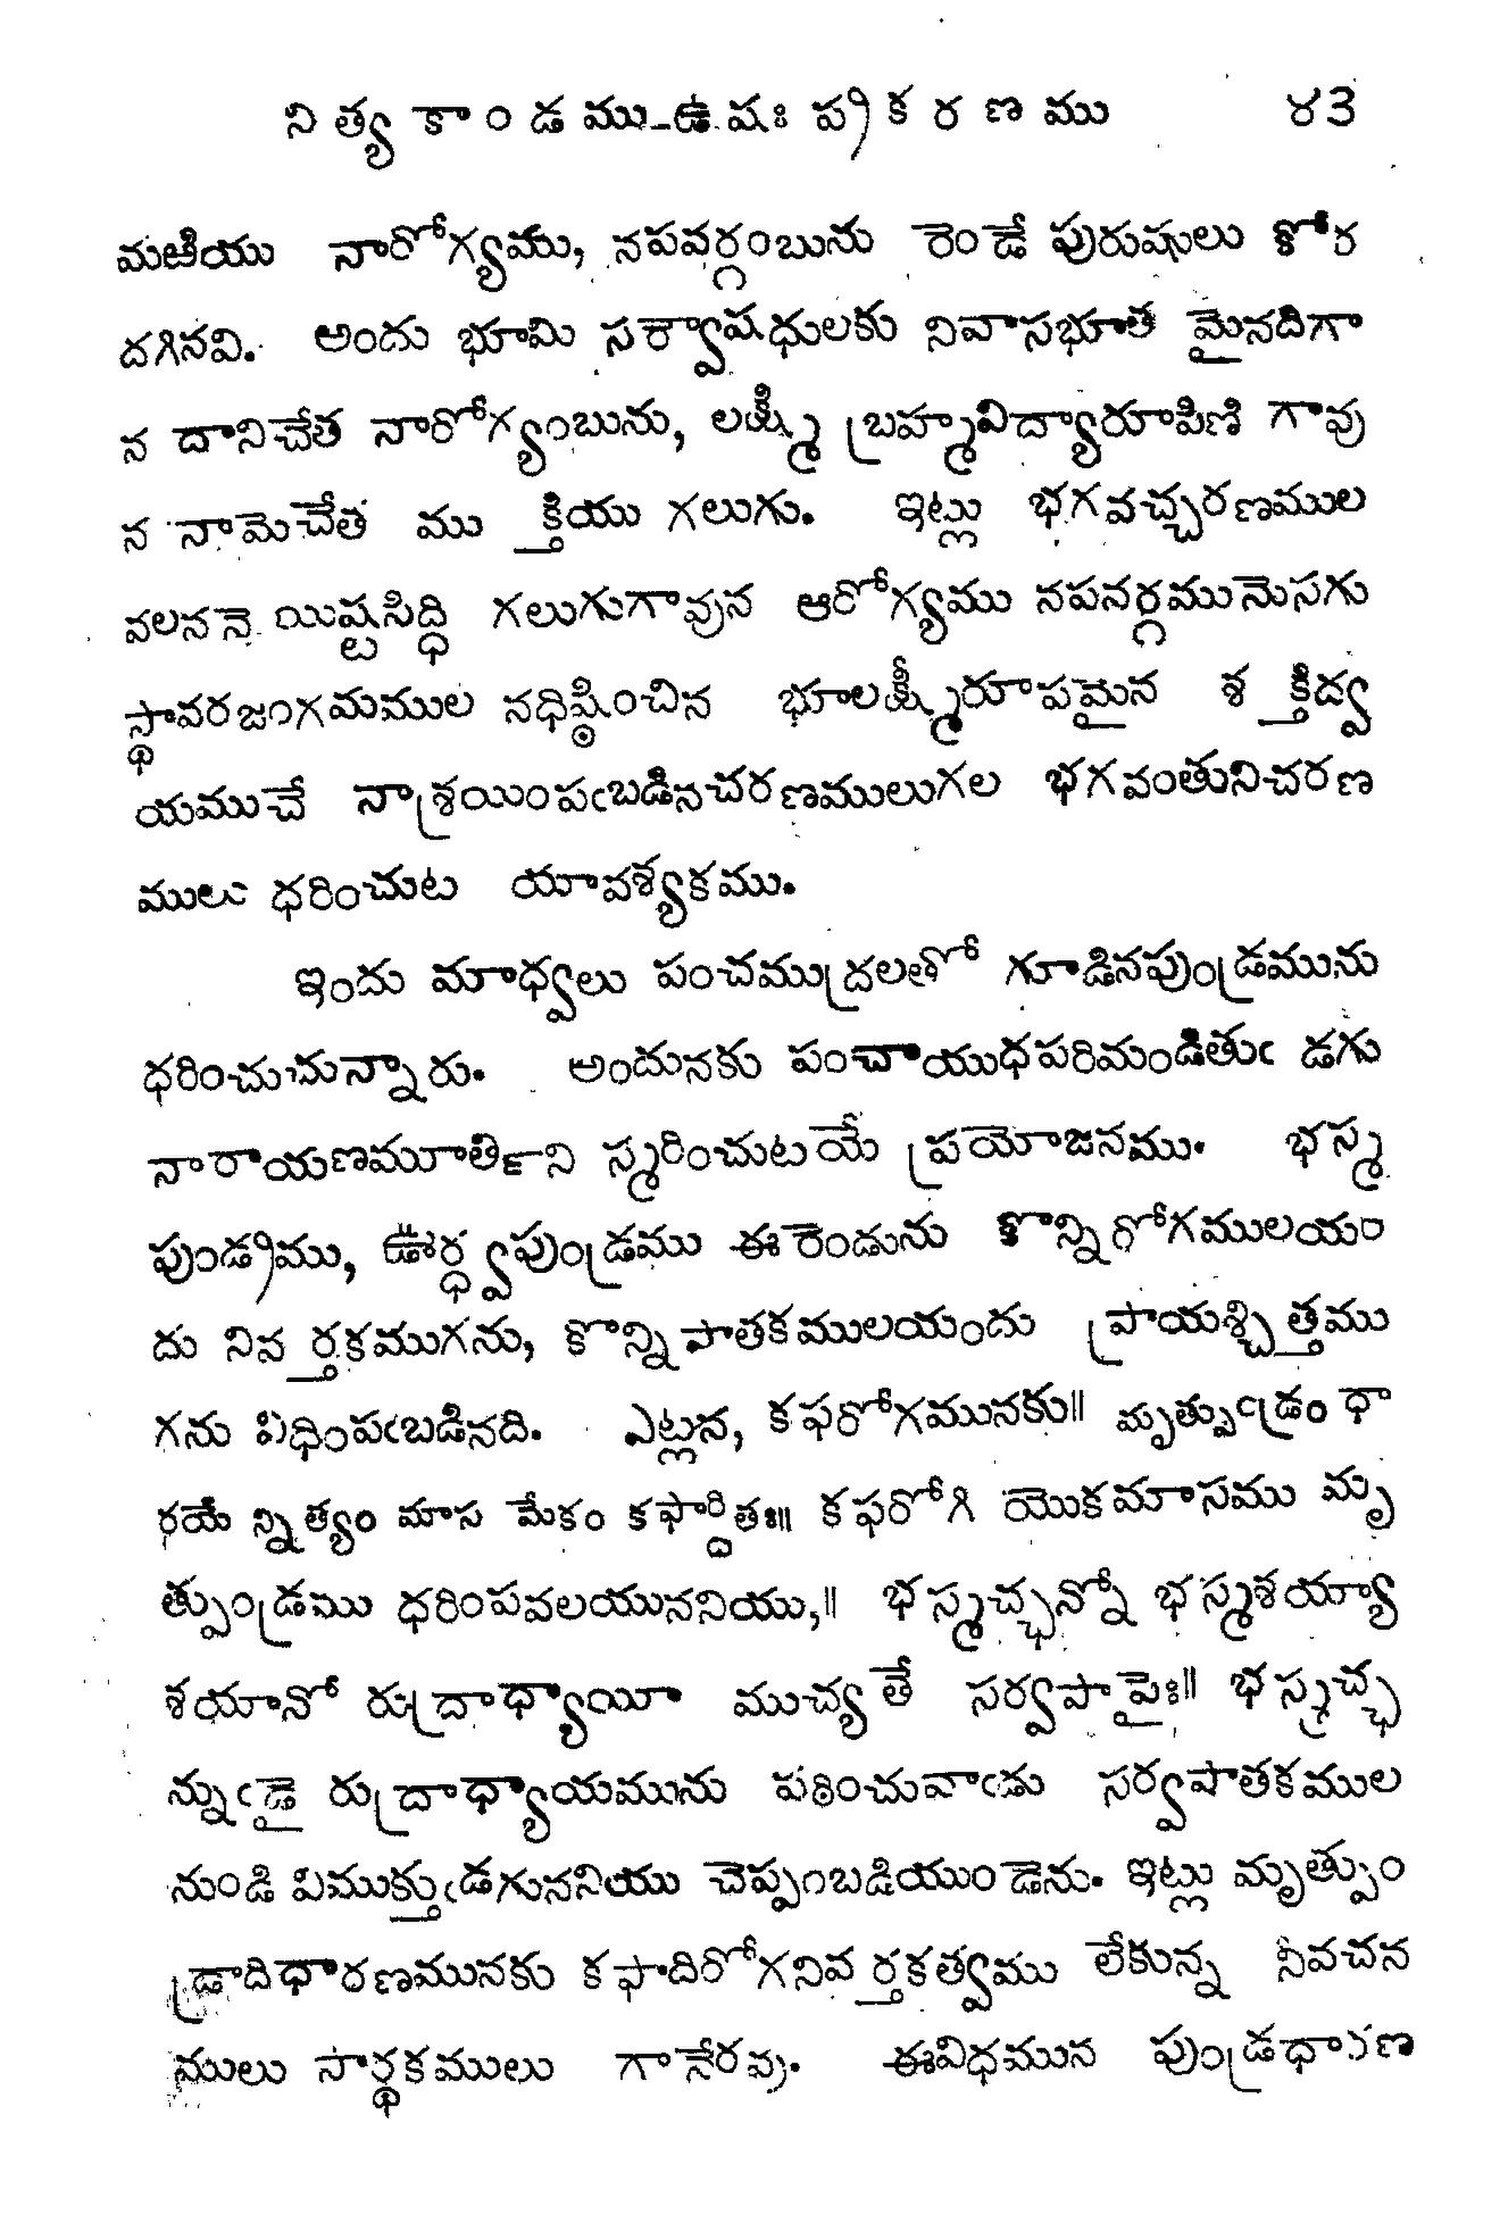మఱియు నారోగ్యము, నపవర్గంబును రెండే పురుషులు కోరదగినవి. అందు భూమి సర్వౌషధులకు నివాసభూత మైనదిగాన దానిచేత నారోగ్యంబును, లక్ష్మి బ్రహ్మవిద్యారూపిణి గావున నామెచేత ముక్తియు గలుగు. ఇట్లు భగవచ్చరణముల వలననె యిష్టసిద్ధి గలుగుగావున ఆరోగ్యము నపవర్గమునొసగు
స్థావరజంగమముల నధిష్ఠించిన భూలక్ష్మీరూపమైన శక్తిద్వయముచే నాశ్రయింపఁబడిన చరణములుగల భగవంతునిచరణములు ధరించుట యావశ్యకము.

ఇందు మాధ్వలు పంచముద్రలతో గూడినపుండ్రమును ధరించుచున్నారు. అందునకు పంచాయుధ పరిమండితుఁ డగు నారాయణమూర్తిని స్మరించుటయే ప్రయోజనము. భస్మపుండ్రము, ఊర్ధ్వపుండ్రము ఈరెండును కొన్నిరోగములయందు నివర్తకముగను, కొన్నిపాతకములయందు ప్రాయశ్చిత్తముగను విధింపఁబడినది. ఎట్లన, కఫరోగమునకు మృత్పుండ్రం ధారయే న్నిత్యం మాస మేకం కఫార్దిత॥ కఫరోగి యొకమాసము మృత్పుండ్రము ధరింపవలయుననియు,॥ భస్మచ్ఛన్నో భస్మశయ్యాశయానో రుద్రాధ్యాయీ ముచ్యతే సర్వపాపైః॥ భస్మచ్ఛన్నుఁడై రుద్రాధ్యాయమును పఠించువాఁడు సర్వపాతకముల నుండి విముక్తుఁడగుననియు చెప్పఁబడియుండెను. ఇట్లు మృత్పుండ్రాదిధారణమునకు కఫాదిరోగనివర్తకత్వము లేకున్న నీవచనములు సార్థకములు గానేరవు. ఈవిధమున పుండ్రధారణ